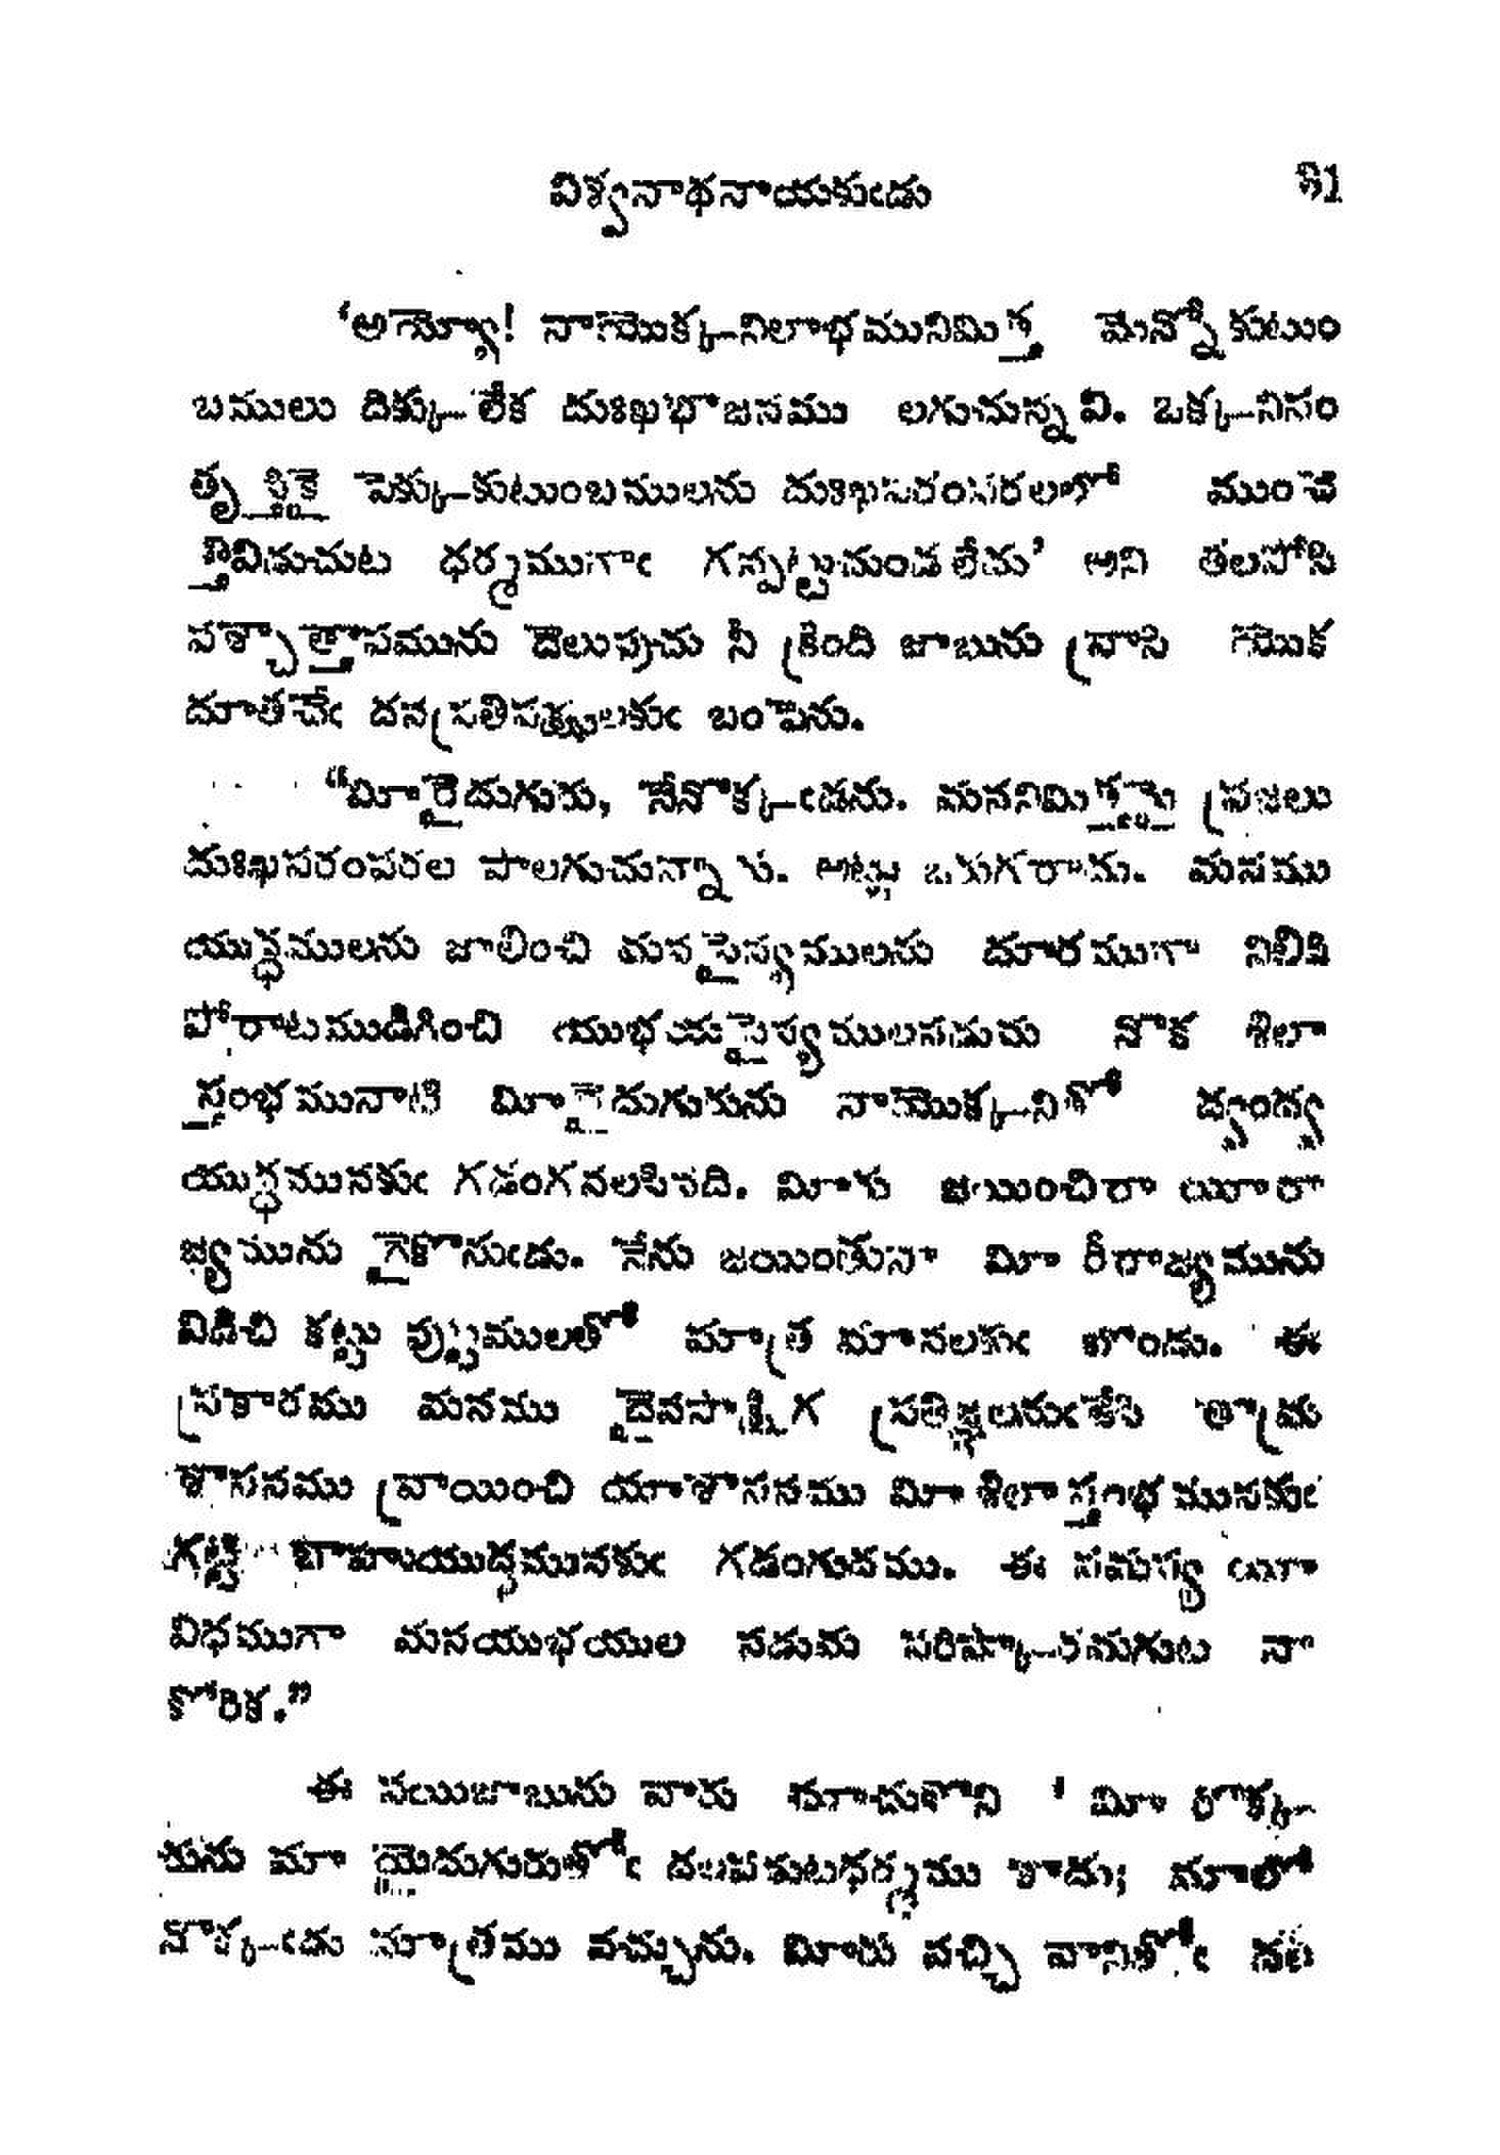'అయ్యో! నాయొక్కనిలాభమునిమిత్త మెన్నోకుటుంబములు దిక్కులేక దుఃఖభాజనము లగుచున్నవి. ఒక్కనిసంతృప్తికై పెక్కుకుటుంబములను దుఃఖపరంపరలలో ముంచెత్తివిడుచుట ధర్మముగాఁ గన్పట్టుచుండలేదు' అని తలపోసి పశ్చాత్తాపమును దెలుపుచు నీ క్రింది జాబును వ్రాసి యొక దూతచేఁ దనప్రతిపక్షులకుఁ బంపెను.

"మీరైదుగురు, నేనొక్కఁడను. మననిమిత్తమై ప్రజలు దుఃఖపరంపరల పాలగుచున్నారు. అట్లు జరుగరాదు. మనము యుద్ధములను జాలించి మనసైన్యములను దూరముగా నిలిపి పోరాటముడిగించి యుభయసైన్యములనడుమ నొక శిలాస్తంభమునాటి మీరైదుగురును నాయొక్కనితో ద్వంద్వ యుద్ధమునకుఁ గడంగవలసినది. మీరు జయించిరా యీరాజ్యమును గైకొనుఁడు. నేను జయింతునా మీ రాజ్యమును విడిచి కట్టు పుట్టములతో మాత్ర మావలకుఁ బొండు. ఈ ప్రకారము మనము దైవసాక్షిగ ప్రతిజ్ఞలనుఁజేసి తామ్ర శాసనము వ్రాయించి యాశాసనము మీశిలాస్తంభమునకుఁ గట్టి బాహుయుద్ధమునకుఁ గడంగుదము. ఈ సమస్య యీ విధముగా మనయుభయుల నడుమ పరిష్కారమగుట నా కోరిక."

ఈ పయిజాబును వారు చూచుకొని 'మీ రొక్కరును మా యైదుగురుతోఁ దలపడుటధర్మము కాదు; మాలో నొక్కఁడు మాత్రము వచ్చును. మీరు వచ్చి వానితోఁ దల